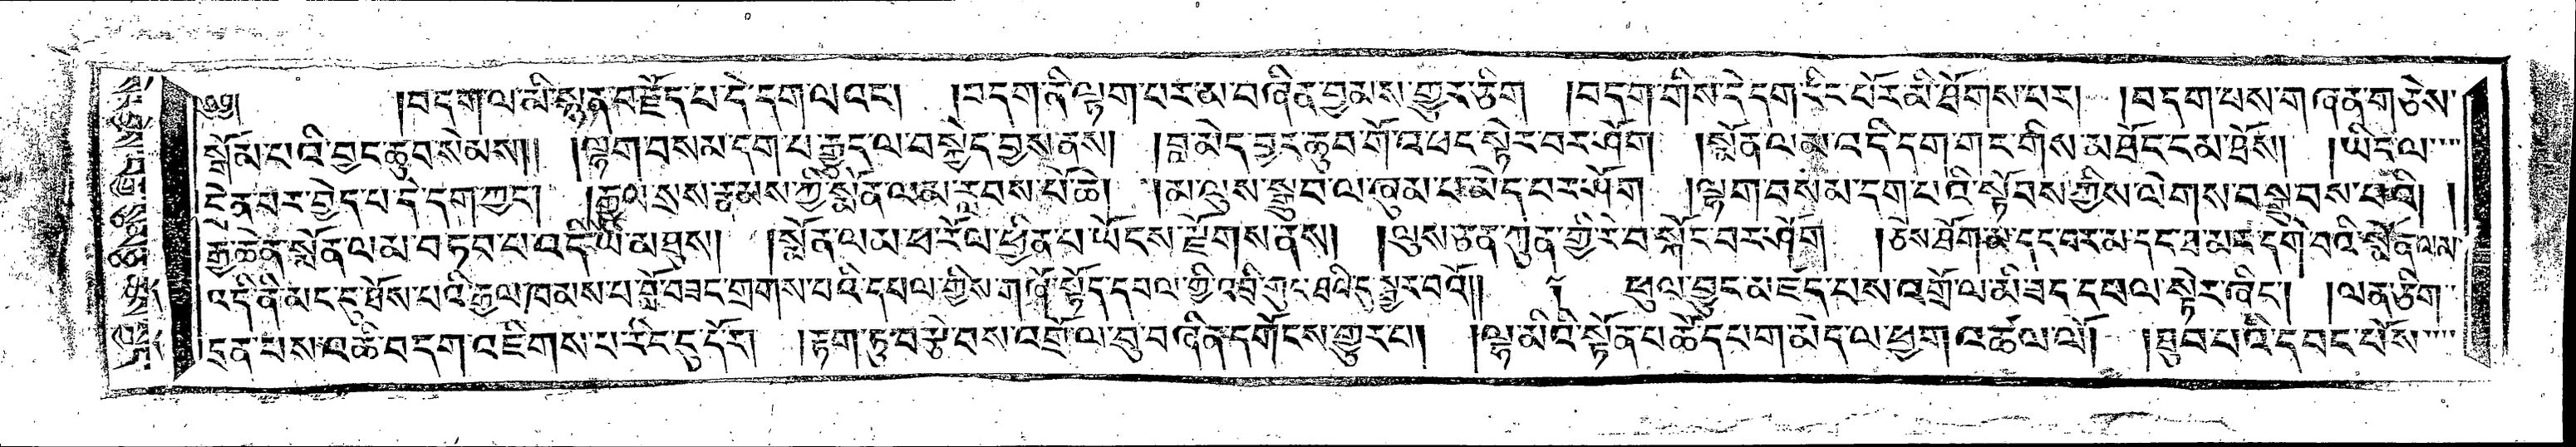༄༅། །བདག་ལ་མི་སྙན་བརྗོད་པ་དེ་དགྲ་ལའང་། །བདག་ནི་ལྷག་པར་མ་བཞིན་བྱམས་གྱུར་ཅིག །བདག་གིས་དེ་དག་རིང་པོར་མི་ཐོགས་པར། །བདག་པས་གཞན་གཅེས་
སྒོམ་པའི་བྱང་ཆུབ་སེམས། །ལྷག་བསམ་དག་པ་རྒྱུད་ལ་བསྐྱེད་བྱས་ནས། །བླ་མེད་བྱང་ཆུབ་གོ་འཕང་སྟེར་བར་ཤོག །སྨོན་ལམ་འདི་དག་གང་གིས་མཐོང་ངམ་ཐོས། །ཡིད་ལ་
དྲེན་པར་བྱེད་པ་དེ་དག་ཀྱང་། །རྒྱལ་སྲས་རྣམས་ཀྱི་སྨོན་ལམ་རླབས་པོ་ཆེ། །མ་ལུས་སྒྲུབ་ལ་ཞུམ་པ་མེད་པར་ཤོག །ལྷག་བསམ་དག་པའི་སྟོབས་ཀྱིས་ལེགས་བསྒྲུབས་པའི། །
རྒྱ་ཆེན་སྨོན་ལམ་བཏབ་པ་འདི་ཡི་མཐུས། །སྨོན་ལམ་ཕ་རོལ་ཕྱིན་པ་ཡོངས་རྫོགས་ནས། །ལུས་ཅན་ཀུན་གྱི་རེ་བ་སྐོང་བར་ཤོག །ཅེས་ཐོག་མ་དང་བར་མ་དང་ཐ་མར་དགེ་བའི་སྨོན་ལམ་
འདི་ནི་མང་དུ་ཐོས་པའི་རྒྱལ་ཁམས་པ་བློ་བཟང་གྲགས་པའི་དཔལ་གྱིས་གཞོ་སྟོད་དཔལ་གྱི་འབྲི་གུང་ཐིལ་དུ་སྦྱར་བའོ།། ༈ ཕུལ་བྱུང་མཛད་པས་འགྲོ་ལ་མི་ཟད་དཔལ་སྟེར་ཞིང་། །ལན་ཅིག་
དྲན་པས་འཆི་བདག་འཇིགས་པ་རིང་དུ་དོར། །རྟག་ཏུ་བརྩེ་བས་འགྲོ་ལ་བུ་བཞིན་དགོངས་གྱུར་པ། །ལྷ་མིའི་སྟོན་པ་ཚེ་དཔག་མེད་ལ་ཕྱག་འཚལ་ལོ། །ཐུབ་པའི་དབང་པོས་